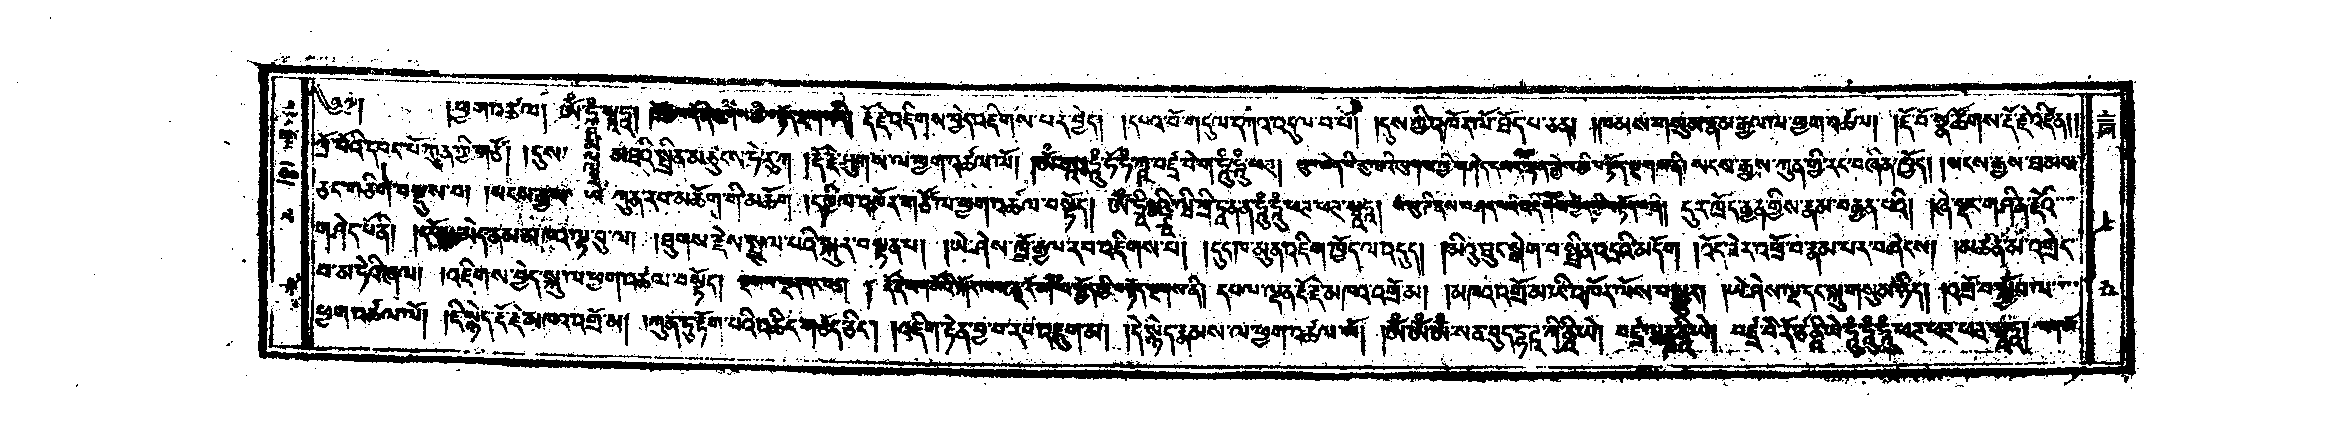༄༅། །ཕྱག་འཚལ། ཨོཾ་ཧྐྵྨླྭྲྱཾ་སྭཱཧཱ། ཁྲོ་རྒྱལ་རྡོ་རྗེ་ཤུགས༢༨་ཀྱི་བསྟོད་སྔགས་ནི། རྡོ་རྗེ་འཇིགས་བྱེད་འཇིགས་པར་བྱེད། །དཔའ་བོ་གདུལ་དཀའ་འདུལ་བ་པོ། །དུས་ཀྱི་འཁོར་ལོ་ཐོད་པ་ཅན། །ཁམས་གསུམ་རྣམ་རྒྱལ་ལ་ཕྱག་འཚལ། །ཇོ་བོ་སྣ་ཚོགས་རྡོ་རྗེ་འཛིན།།
ཁྲོ་བོའི་དབང་པོ་ཀུན་གྱི་གཙོ། །དུས་མཐའི་སྤྲིན་མཚུངས་ཧེ་རུ་ཀ །རྡོ་རྗེ་ཤུགས་ལ་ཕྱག་འཚལ་ལོ། །ཨོཾ་ཨཱཿཧཱུཾ་ཧོ་ཧཾ་ཀྵ་བཛྲ་བེ་ག་ཧཱུཾ་ཧཱུཾ་ཕཊ། གྲུབ་ཆེན་བི་རུ་ཝའི་ལུགས་ཀྱི་གཤེད་དམར་ལྷན༢༩་སྐྱེས་ཀྱི་བསྟོད་སྔགས་ནི། སངས་རྒྱས་ཀུན་གྱི་རང་བཞིན་ཁྱོད། །སངས་རྒྱས་ཐམས་
ཅད་གཅིག་བསྡུས་པ། །སངས་རྒྱས་ཀུན་རབ་མཆོག་གི་མཆོག །དཀྱིལ་འཁོར་གཙོ་ལ་ཕྱག་འཚལ་བསྟོད། ཨོཾ་ཧྲཱིཿཥྚྲཱི་ཝི་ཀྲི་ཏཱ་ན་ན་ཧཱུཾ་ཧཱུཾ་ཕཊ་ཕཊ་སྭཱཧཱ། སཾ་པུ་ཌི་ནས་བཤད་པའི་འཇིགས༣༠་བྱེད་ཀྱི་བསྟོད་པ་ནི། དུར་ཁྲོད་རྒྱན་གྱིས་རྣམ་བརྒྱན་པའི། །ཞེ་སྡང་གཤིན་རྗེའི་
གཤེད་པོ་ནི། །དངོས་མེད་ནམ་མཁའ་ལྟ་བུ་ལ། །ཐུགས་རྗེས་སྤྲུལ་པའི་སྐུར་བསྟན་པ། །ཡེ་ཤེས་ཁྲོ་རྒྱལ་རབ་འཇིགས་པ། །དུད་ཁ་མུན་འཇིག་ཁྱོད་ལ་འདུད། །མིའུ་ཐུང་སྒེག་པ་སྤྲིན་འདྲའི་མདོག །འོད་ཟེར་འཕྲོ་བ་རྣམ་པར་བཞེངས། །མཚན་མ་འགྲེང་
བ་མ་ཧེའི་ཞལ། །འཇིགས་བྱེད་སྐུ་ལ་ཕྱག་འཚལ་བསྟོད། སྔགས་སྔར་དང་འདྲ། ༈ རྡོ་རྗེ་ཕག་མོའི་སྐོར་ལས་ནཱ་རོ་མཁའ༣༡་སྤྱོད་ཀྱི་བསྟོད་སྔགས་ནི། དཔལ་ལྡན་རྡོ་རྗེ་མཁའ་འགྲོ་མ། །མཁའ་འགྲོ་མ་ཡི་འཁོར་ལོས་བསྒྱུར། །ཡེ་ཤེས་ལྔ་དང་སྐུ་གསུམ་ཉིད། །འགྲོ་བ་སྐྱོབ་ལ་
ཕྱག་འཚལ་ལོ། །ཇི་སྙེད་རྡོ་རྗེ་མཁའ་འགྲོ་མ། །ཀུན་ཏུ་རྟོག་པའི་འཆིང་གཅོད་ཅིང་། །འཇིག་རྟེན་བྱ་བ་རབ་འཇུག་མ། །དེ་སྙེད་རྣམས་ལ་ཕྱག་འཚལ་ལོ། །ཨོཾ་ཨོཾ་ཨོཾ་སརྦ་བུད་དྷ་ཌཱ་ཀི་ནཱི་ཡེ། བཛྲ་ཝརྞྞ་ནཱི་ཡེ། བཛྲ་བཻ་རོ་ཙ་ནཱི་ཡེ་ཧཱུཾ་ཧཱུཾ་ཧཱུཾ་ཕཊ་ཕཊ་ཕཊ་སྭཱཧཱ། ཕག?་མོ